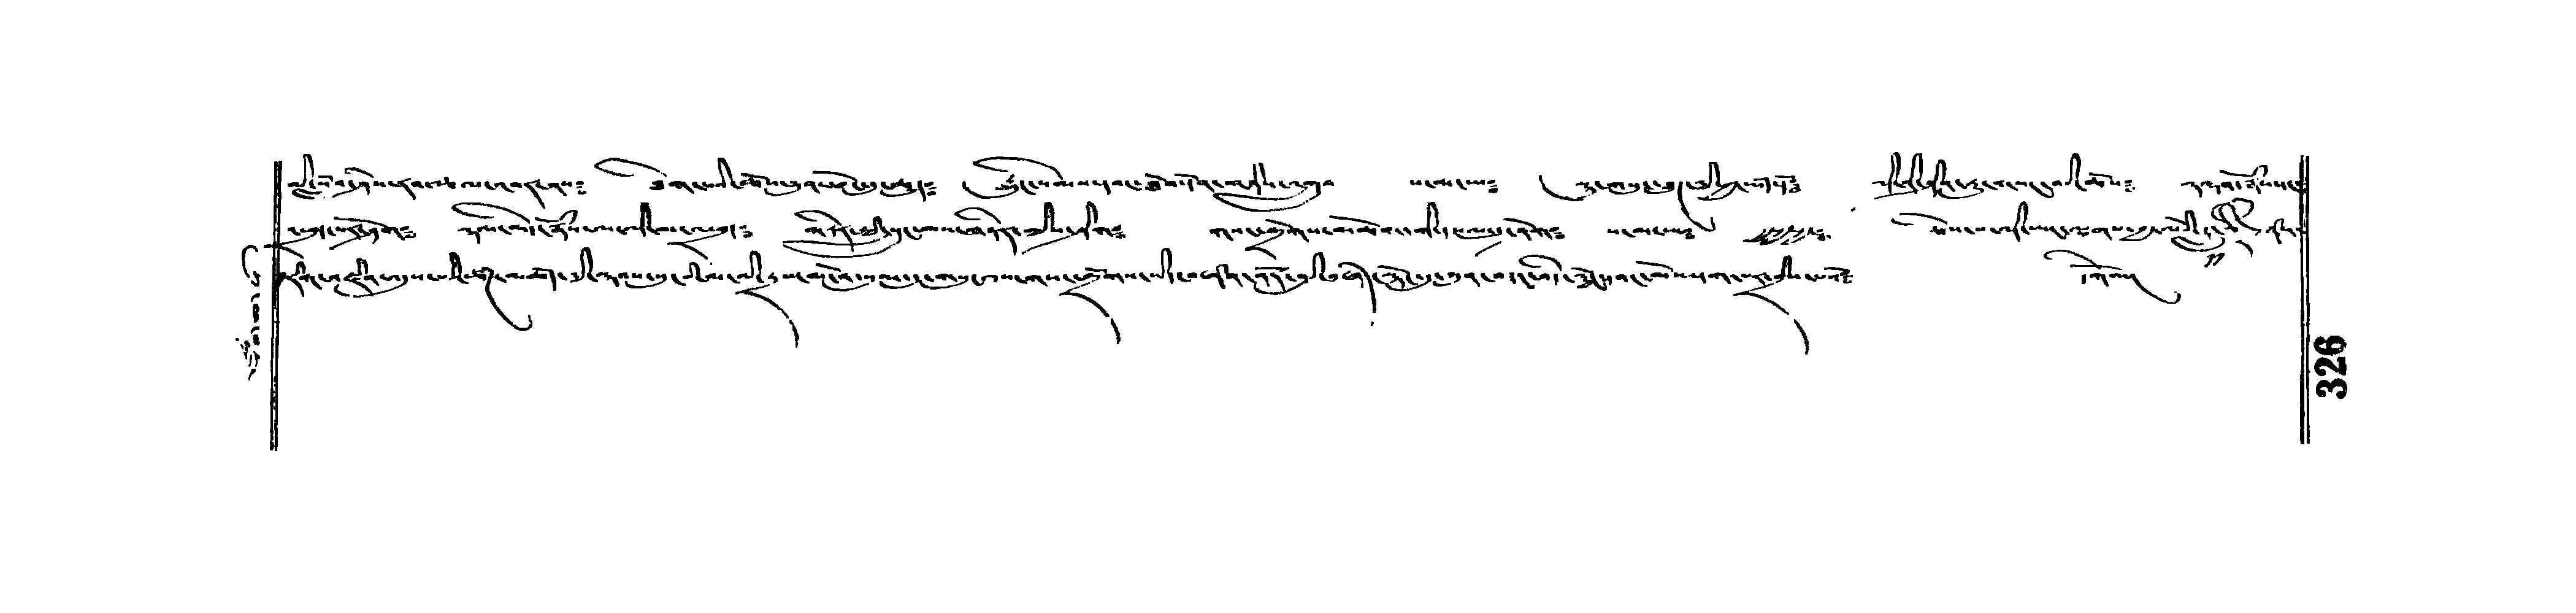མི་སློབ་ཤེས་རབ་རྩལ་འབར་ནས༔ ཐེག་པའི་ཆོས་ཐུན་ཁོང་དུ་ཆུད༔ རླུང་སེམས་དབང་ཐོབ་དོན་གཉིས་འགྲུབ༔ ས་མ་ཡ༔ སྐུ་གསུང་ཐུགས་ཀྱི་རྒྱ་ཡོད་དོ༔ འདི་ནི་ཤིན་ཏུ་གསང་བའི་ཆོས༔ སྐལ་ལྡན་རྣམས་དང་
འཕྲད་པར་ཤོག༔ སྐལ་མེད་རྣམས་ལ་འདི་མ་འཕྲད༔ གཏེར་གྱི་སྲུང་མས་གཉེར་གྱིས་ཤིག༔ གསང་གྲོགས་མཆོག་གིས་དཔལ་དུ་ཤོག༔ ས་མ་ཡ༔ རྒྱ་རྒྱ་རྒྱ༔ ཅེས་པ་འདི་ཡང་ལྕགས་བྱ་ལོའི་ཟླ་བ་བཅུ་གཅིག་གི་ཚེས་བརྒྱད་ཉིན་
རིག་འཛིན་འདུས་པའི་ཚོགས་མཆོད་ཀྱི་སྐབས་སུ་བི་མ་མི་ཏྲས་མངོན་སུམ་དུ་གསུངས་པ་གསང་གྲོགས་ཡིད་བཞིན་ནོར་བུའི་བཞེད་སྐོང་དུ་ཀུན་བཟང་བདེ་སྐྱོང་དབང་མོས་དག་པར་བྲིས་པའོ།། མངྒ་ལམ།།